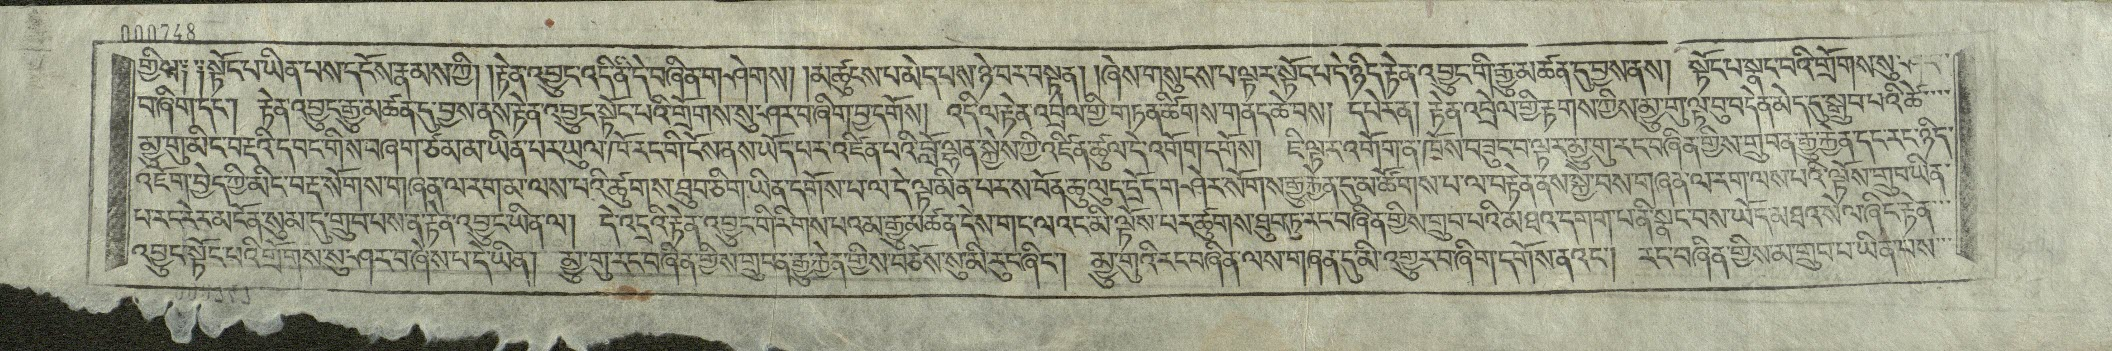གྱིས༑ ༑སྟོང་པ་ཡིན་པས་དངོས་རྣམས་ཀྱི། །རྟེན་འབྱུང་བ་འདི་ནི་དེ་བཞིན་གཤེགས། །མཚུངས་པ་མེད་པས་ཉེ་བར་བསྟན། །ཞེས་གསུངས་པ་ལྟར་སྟོང་པ་དེ་ཉིད་རྟེན་འབྱུང་གི་རྒྱུ་མཚན་དུ་བྱས་ནས། སྟོང་པ་སྣང་བའི་གྲོགས་སུ་ཤར་
བ་ཞིག་དང་། རྟེན་འབྱུང་རྒྱུ་མཚན་དུ་བྱས་ནས་རྟེན་འབྱུང་སྟོང་པའི་གྲོགས་སུ་ཤར་བ་ཞིག་བྱ་དགོས། འདི་ལ་རྟེན་འབྲེལ་གྱི་གཏན་ཚིགས་གནད་ཆེ་བས། དཔེར་ན། རྟེན་འབྲེལ་གྱི་རྟགས་ཀྱིས་མྱུ་གུ་ལྟ་བུ་བདེན་མེད་དུ་སྒྲུབ་པའི་ཚེ་
མྱུ་གུ་མིང་བརྡའི་དབང་གིས་བཞག་ཙམ་མ་ཡིན་པར་ཡུལ་ཁོ་རང་གི་ངོས་ནས་ཡོད་པར་འཛིན་པའི་བློ་ལྷན་སྐྱེས་ཀྱི་འཛིན་ཚུལ་དེ་འགོག་དགོས། ཇི་ལྟར་འགོག་ན་ཁོས་བཟུང་བ་ལྟར་མྱུ་གུ་རང་བཞིན་གྱིས་གྲུབ་ན་རྒྱུ་རྐྱེན་དང་རང་ཉིད་
འཇོག་བྱེད་ཀྱི་མིང་བརྡ་སོགས་གཞན་ལ་རག་མ་ལས་པའི་ཚུགས་ཐུབ་ཅིག་ཡིན་དགོས་པ་ལ་དེ་ལྟ་མིན་པར་ས་བོན་ཆུ་ལུད་དྲོད་གཤེར་སོགས་རྒྱུ་རྐྱེན་དུ་མ་ཚོགས་པ་ལ་བརྟེན་ནས་སྐྱེ་བས་གཞན་ལ་རག་ལས་པའི་ལྟོས་གྲུབ་ཡིན་
པ་རང་རེར་མངོན་སུམ་དུ་གྲུབ་པས་ན་རྟེན་འབྱུང་ཡིན་ལ། དེ་འདྲའི་རྟེན་འབྱུང་གི་རིགས་པའམ་རྒྱུ་མཚན་དེས་གང་ལའང་མི་ལྟོས་པར་ཚུགས་ཐུབ་ཏུ་རང་བཞིན་གྱིས་གྲུབ་པའི་མཐའ་དགག་པ་ནི་སྣང་བས་ཡོད་མཐའ་སེལ་ཞིང་རྟེན་
འབྱུང་སྟོང་པའི་གྲོགས་སུ་ཤར་བ་ཞེས་པ་དེ་ཡིན། མྱུ་གུ་རང་བཞིན་གྱིས་གྲུབ་ན་རྒྱུ་རྐྱེན་གྱིས་བཅོས་སུ་མི་རུང་ཞིང་། མྱུ་གུའི་རང་བཞིན་ལས་གཞན་དུ་མི་འགྱུར་བ་ཞིག་དགོས་ནའང་། རང་བཞིན་གྱིས་མ་གྲུབ་པ་ཡིན་པས་